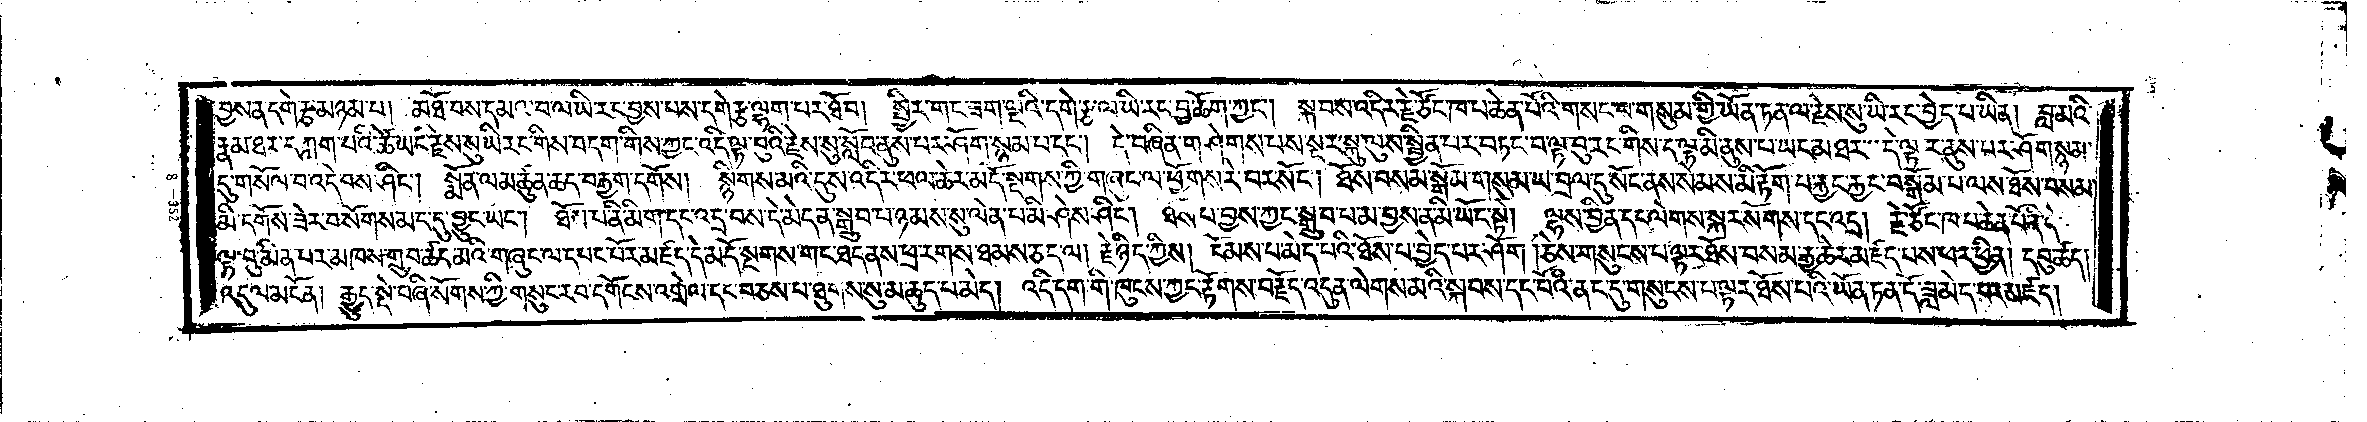བྱས་ན་དགེ་རྩ་མཉམ་པ། མཐོ་བས་དམའ་བ་ལ་ཡི་རང་བྱས་པས་དགེ་རྩ་ལྷག་པར་ཐོབ། སྤྱིར་གང་ཟག་ལྔའི་དགེ་རྩལ་ཡི་རང་བྱ་ཆོག་ཀྱང་། སྐབས་འདིར་རྗེ་ཙོང་ཁ་པ་ཆེན་པོའི་གསང་བ་གསུམ་གྱི་ཡོན་ཏན་ལ་རྗེས་སུ་ཡི་རང་བྱེད་པ་ཡིན། བླ་མའི་
རྣམ་ཐར་བཀླག་པའི་ཚེ་ཡང་རྗེས་སུ་ཡི་རང་གིས་བདག་གིས་ཀྱང་འདི་ལྟ་བུའི་རྗེས་སུ་སློབ་ནུས་པར་ཤོག་སྙམ་པ་དང་། དེ་བཞིན་གཤེགས་པས་སྔར་སྐུ་ལུས་སྦྱིན་པར་བཏང་བ་ལྟ་བུ་རང་གིས་དེ་ལྟ་མི་ནུས་པ་ཡང་མཐར་དེ་ལྟར་ནུས་པར་ཤོག་སྙམ་
དུ་གསོལ་བ་འདེབས་ཤིང་། སྨོན་ལམ་ཚུན་ཆད་བརྒྱག་དགོས། སྙིགས་མའི་དུས་འདིར་ཕལ་ཆེར་མདོ་སྔགས་ཀྱི་གཞུང་ལ་ཕྱོགས་རེ་བར་སོང་། ཐོས་བསམ་སྒོམ་གསུམ་ཡ་བྲལ་དུ་སོང་ནས་སེམས་མི་རྟོག་པ་རྐྱང་རྐྱང་བསྒོམ་པ་ལས་ཐོས་བསམ་
མི་དགོས་ཟེར་བ་སོགས་མང་དུ་བྱུང་ཡང་། ཐོས་པ་ནི་མིག་དང་འདྲ་བས་དེ་མེད་ན་སྒྲུབ་པ་ཉམས་སུ་ལེན་པ་མི་ཤེས་ཤིང་། ཐོས་པ་བྱས་ཀྱང་སྒྲུབ་པ་མ་བྱས་ན་མི་ཡོང་སྟེ། ལྷས་བྱིན་དང་ལེགས་སྐར་སོགས་དང་འདྲ། རྗེ་ཙོང་ཁ་པ་ཆེན་པོ་ནི་དེ་
ལྟ་བུ་མིན་པར་མཁས་གྲུབ་ཚད་མའི་གཞུང་ལ་དཔང་པོར་མཛད་དེ་མདོ་སྔགས་གང་ཐད་ནས་ཕྲ་རགས་ཐམས་ཅད་ལ། རྗེ་ཉིད་ཀྱིས། ངོམས་པ་མེད་པའི་ཐོས་པ་བྱེད་པར་ཤོག། །ཅེས་གསུངས་པ་ལྟར་ཐོས་བསམ་རྒྱ་ཆེར་མཛད་པས་ཕར་ཕྱིན། དབུ་ཚད།
འདུལ་མངོན། རྒྱུད་སྡེ་བཞི་སོགས་ཀྱི་གསུང་རབ་དགོངས་འགྲེལ་དང་བཅས་པ་ཐུགས་སུ་མ་ཆུད་པ་མེད། འདི་དག་གི་ཁུངས་ཀྱང་རྟོགས་བརྗོད་འདུན་ལེགས་མའི་སྐབས་དང་པོའི་ནང་དུ་གསུངས་པ་ལྟར་ཐོས་པའི་ཡོན་ཏན་དོ་ཟླ་མེད་པར་མཛད།